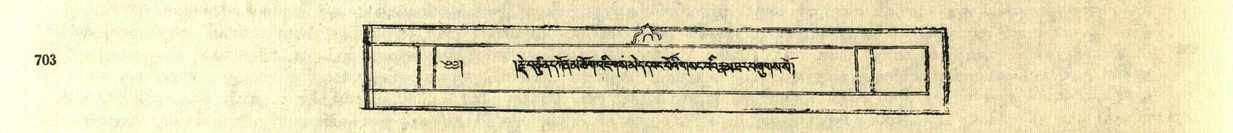༄༅། །རྗེ་བཙུན་དཀོན་མཆོག་འཇིགས་མེད་དབང་པོའི་གསང་བའི་རྣམ་ཐར་བཞུགས་སོ།